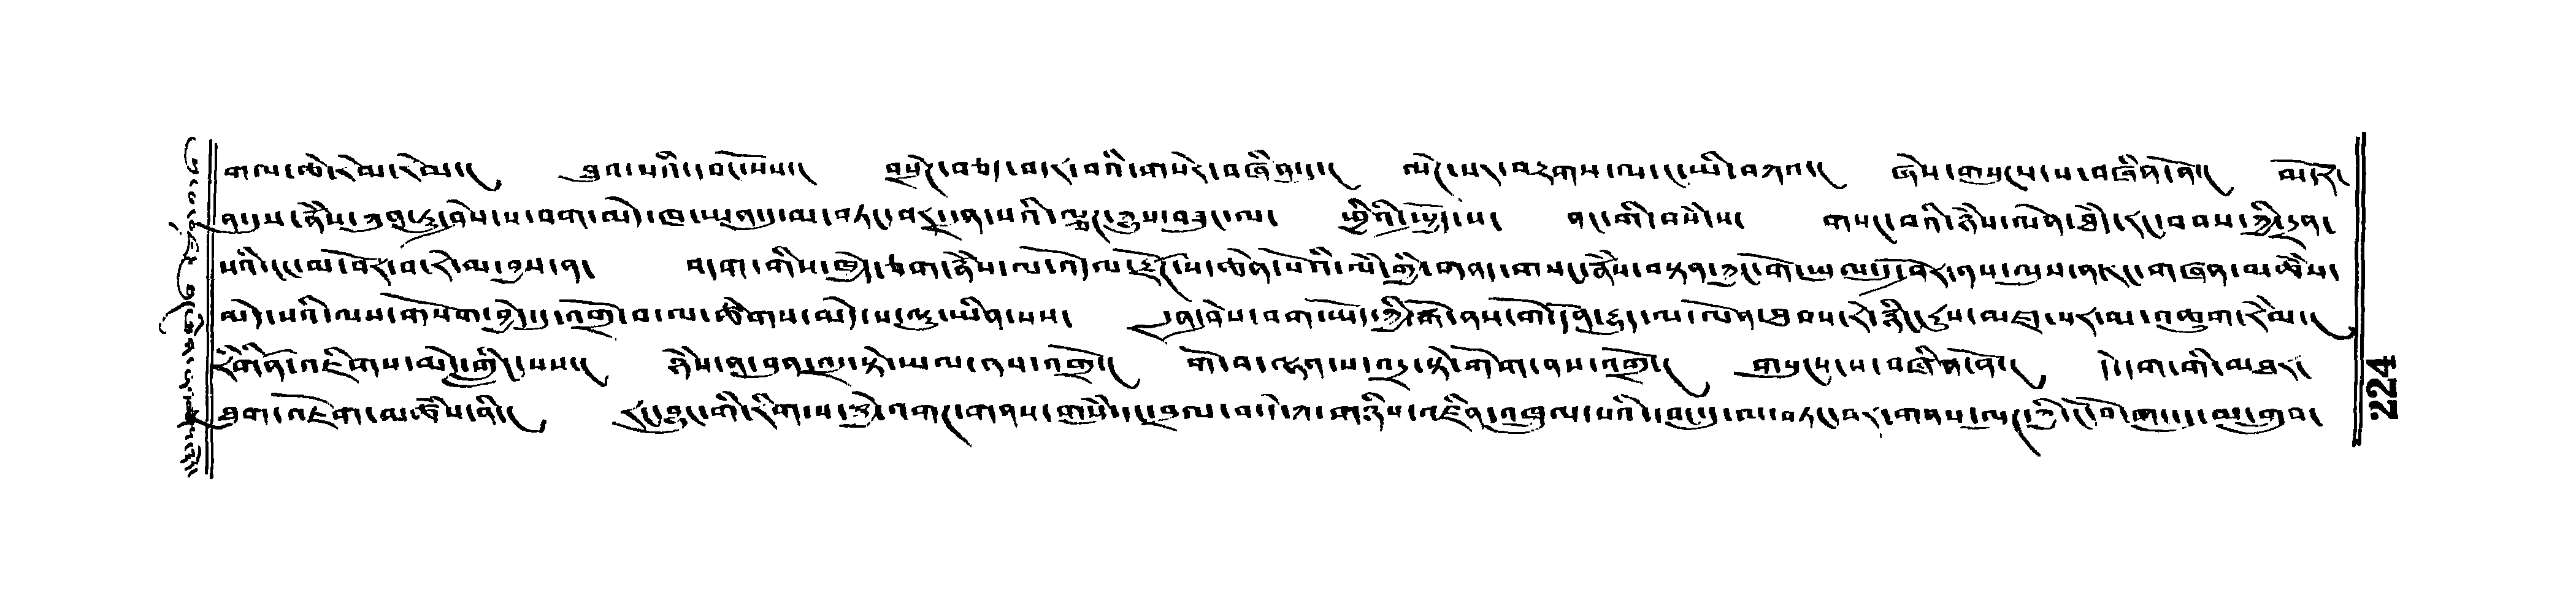གལ་ཆེ་རེམ་རེམ། ཐུབ་པའི་དབང་པོས། བསྲེགས་བཅད་བདར་བའི་གསེར་བཞིན་དུ། །ལེགས་པར་བརྟགས་ལ་ང་ཡི་བཀའ། ཞེས་གསུངས་པ་བཞིན་ནོ། མདོར་
ན་དུས་རྣམས་ཀུན་ཏུ་ཤེས་པ་བག་མེད་ཁ་ཡན་དུ་མ་བཏང་བར་དྲན་པའི་ལྕགས་ཀྱུས་བཟུང་ལ། ཕྱིའི་སྤྱོད་པ། ནང་གི་བསམ་པ། གསང་བའི་ཉམས་ལེན་ཐམས་ཅད་རང་བབས་ཀྱི་དྲན་
པའི་ངང་མ་བོར་བ་རེ་མ་བྱས་ན། བདག་གིས་ཁྱེད་ཅག་རྣམས་ལ་འོད་གསལ་རྫོགས་པ་ཆེན་པོའི་ལམ་གྱི་གནད་གསང་རྣམས་བསྟན་ཀྱང་གོ་ཡུལ་དུ་ཤོར་ནས་ལུས་ན་རང་གཞན་རྣམས་མཚམས་
མེད་པའི་ལས་གསོག་བྱེད་དུ་འགྲོ་བ་ལ་ཚེགས་མེད་པ་ལྟ་བུ་ཡིན་པས། དྲན་ཤེས་བག་ཡོད་ཀྱི་སྒོ་ནས་གོ་དོན་རྒྱུད་ལ་ལོན་ཐབས་རེ་སྙིང་རུས་མཛད་པར་མ་འཆུག་རེམ་རེམ། 
རིག་འཛིན་འཇིགས་མེད་གླིང་པས། ཉམས་ན་བུན་འདྲ་སྟེ་ཡལ་ནས་འགྲོ། གོ་བ་ལྷན་པ་འདྲ་སྟེ་གོག་ནས་འགྲོ། གསུངས་པ་བཞིན་ནོ། དེ་དག་གི་མཐར་
ཐུག་འཇོག་མཚམས་ནི། རང་བྱུང་གི་རིག་པ་སྐྱེ་འགག་གནས་གསུམ་དང་བྲལ་བ་དེ་ཀ་གཉིས་འཛིན་འཁྲུལ་པའི་དབང་དུ་མ་བཏང་བར་གནས་ལུགས་ཀྱི་ངོ་བོ་གང་དུའང་མ་གྲུབ་